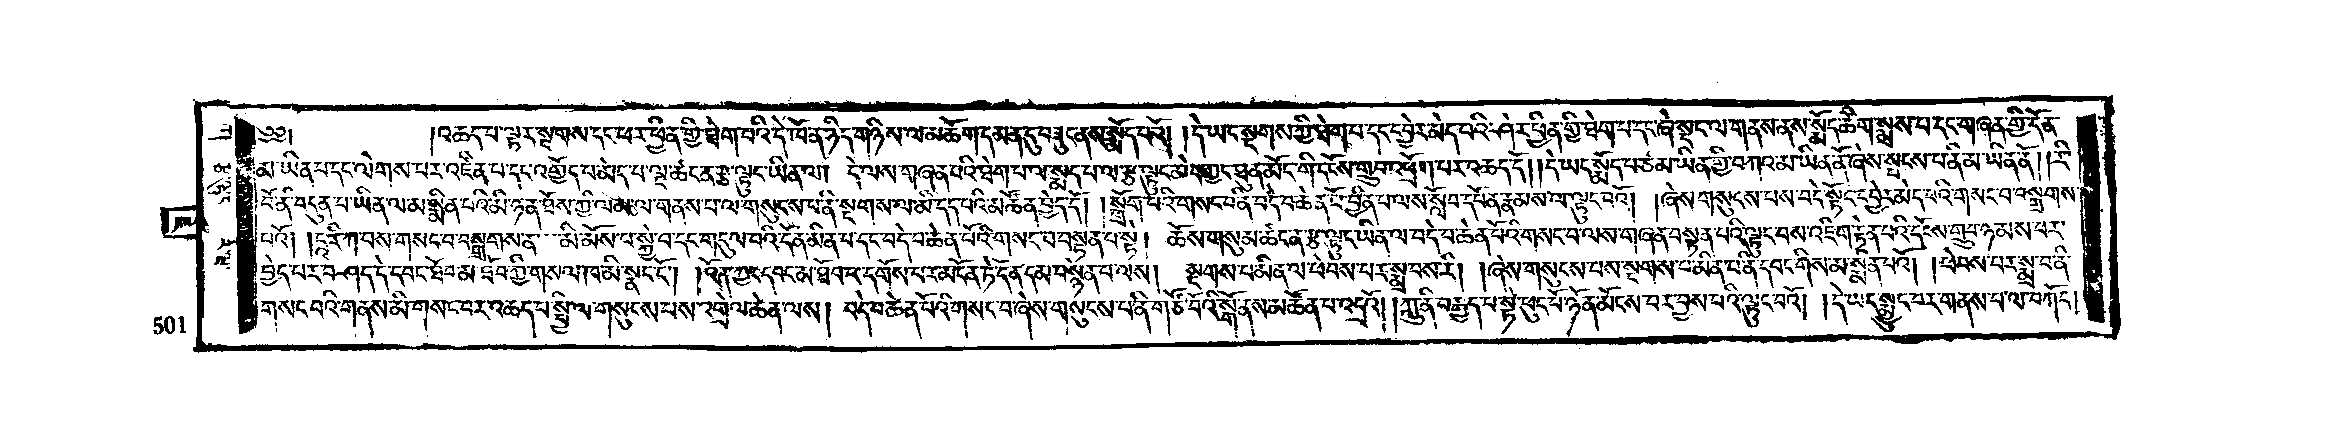༄༅། །འཆད་པ་ལྟར་སྔགས་དང་ཕར་ཕྱིན་གྱི་ཐེག་པའི་དེ་ཁོ་ན་ཉིད་གཉིས་ལ་མཆོག་དམན་དུ་བཟུང་ནས་སྨོད་པའོ། །དེ་ཡང་སྔགས་ཀྱི་ཐེག་པ་དང་དབྱེར་མེད་པའི་ཤེར་ཕྱིན་གྱི་ཐེག་པ་དང་ཞེ་སྡང་ལ་གནས་ནས་སྨོད་ཚིག་སྨྲས་པ་དང་གཞན་གྱི་དོན་
མ་ཡིན་པ་དང་ལེགས་པར་འཛིན་པ་དང་འགྱོད་པ་མེད་པ་ལྔ་ཚང་ན་རྩ་ལྟུང་ཡིན་ལ། དེ་ལས་གཞན་པའི་ཐེག་པ་ལ་སྨད་པ་ལ་རྩ་ལྟུང་མེད་ཀྱང་ཐུན་མོང་གི་དངོས་གྲུབ་འཕྲོག་པར་འཆད་དོ། །དེ་ཡང་སྨོད་པ་ཙམ་ཡིན་གྱི་བཀའ་མ་ཡིན་ནོ་ཞེས་སྤངས་པ་ནི་མ་ཡིན་ནོ། །རི་
བོ་ནི་བདུན་པ་ཡིན་ལ་མ་སྨིན་པའི་མི་ཉན་ཐོས་ཀྱི་ལམ་ལ་གནས་པ་ལ་གསུངས་པ་ནི་སྔགས་ལ་མི་དད་པའི་མཚོན་བྱེད་དོ། །སྒྲོག་པའི་གསང་བ་ནི་བདེ་བ་ཆེན་པོ་བྱིན་པ་ལས་སློབ་དཔོན་རྣམས་ལ་ལྟུང་བའོ། །ཞེས་གསུངས་པས་བདེ་སྟོང་དབྱེར་མེད་པའི་གསང་བ་བསྒྲགས་
པའོ། །དཱ་རི་ཀ་པས་གསང་བ་བསྒྲགས་ན་མི་མོས་པ་སྐྱེ་བ་དང་གདུལ་བའི་དོན་མིན་པ་དང་བདེ་བ་ཆེན་པོའི་གསང་བ་བསྟན་པ་སྟེ། ཆོས་གསུམ་ཚང་ན་རྩ་ལྟུང་ཡིན་ལ་བདེ་བ་ཆེན་པོའི་གསང་བ་ལས་གཞན་བསྟན་པའི་ལྟུང་བས་འཇིག་རྟེན་པའི་དངོས་གྲུབ་ཉམས་པར་
བྱེད་པར་བཤད་དེ་དབང་ཐོབ་མ་ཐོབ་ཀྱི་གསལ་ཁ་མི་སྣང་ངོ། །འོན་ཀྱང་དབང་མ་ཐོབ་པ་དགོས་པར་མངོན་ཏེ་དོན་དམ་བསྙེན་པ་ལས། སྔགས་པ་མིན་ལ་ཕེབས་པར་སྨྲ་བས་རི། །ཞེས་གསུངས་པས་སྔགས་པ་མིན་པ་ནི་དབང་གིས་མ་སྨིན་པའོ། །ཕེབས་པར་སྨྲ་བ་ནི་
གསང་བའི་གནས་མི་གསང་བར་འཆད་པ་སྤྱི་ལ་གསུངས་པས་འགྲེལ་ཆེན་ལས། བདེ་བ་ཆེན་པོའི་གསང་བ་ཞེས་གསུངས་པ་ནི་གཙོ་བོའི་སྒོ་ནས་མཚོན་པ་འདྲའོ། །ཀླུ་ནི་བརྒྱད་པ་སྟེ་ཕུང་པོ་ཉོན་མོངས་པར་བྱས་པའི་ལྟུང་བའོ། །དེ་ཡང་སྨྱུང་བར་གནས་པ་ལ་བཀོད།